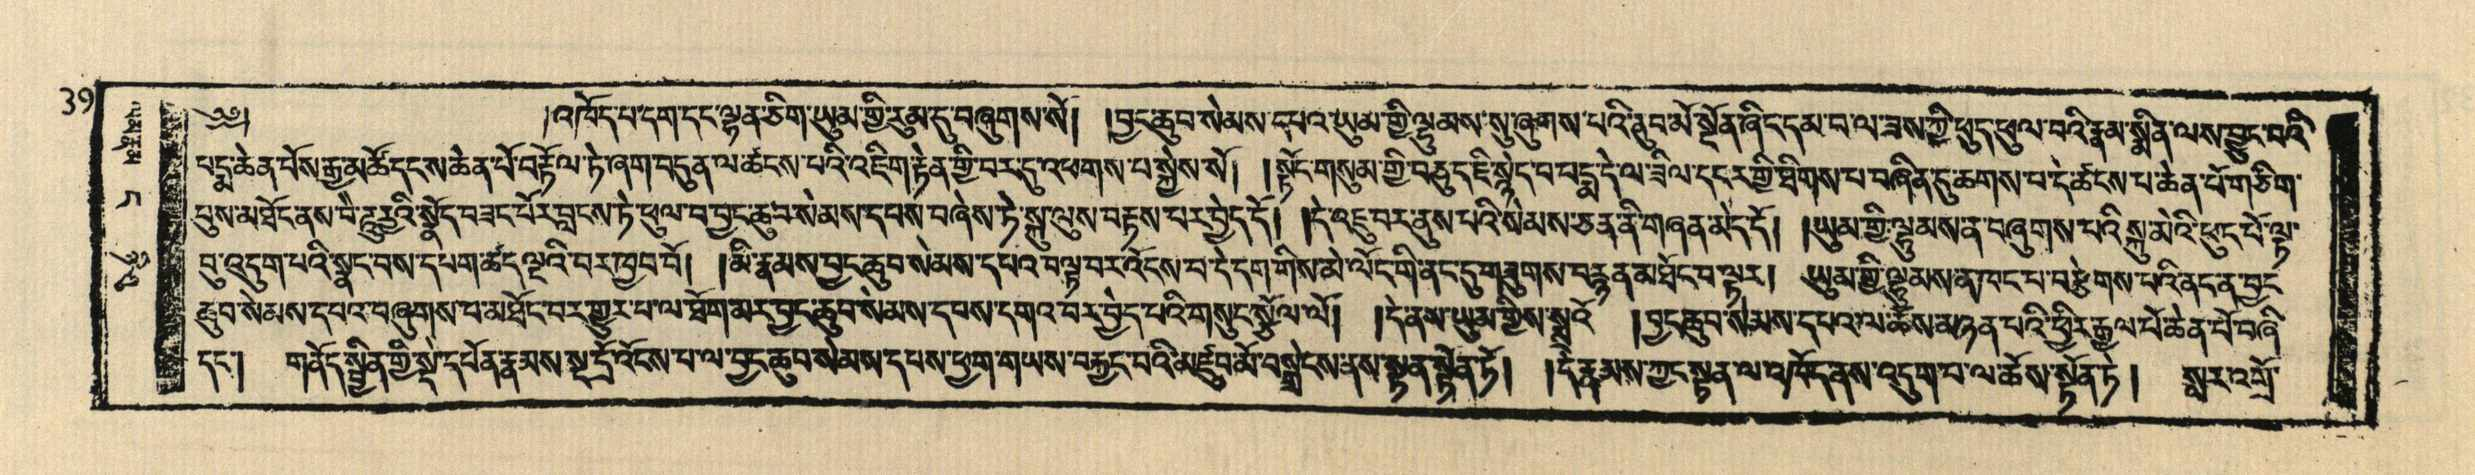༄༅། །འཁོད་པ་དག་དང་ལྷན་ཅིག་ཡུམ་གྱི་རུམ་དུ་བཞུགས་སོ། །བྱང་ཆུབ་སེམས་དཔའ་ཡུམ་གྱི་ལྷུམས་སུ་ཞུགས་པའི་ནུབ་མོ་སྔོན་ཞིང་དམ་པ་ལ་ཟས་ཀྱི་ཕུད་ཕུལ་བའི་རྣམ་སྨིན་ལས་བྱུང་བའི་
པདམ་ཆེན་པོས་རྒྱ་མཚོ་དང་ས་ཆེན་པོ་བརྟོལ་ཏེ་ཞག་བདུན་ལ་ཚངས་པའི་འཇིག་རྟེན་གྱི་བར་དུ་འཕགས་པ་སྐྱེས་སོ། །སྟོང་གསུམ་གྱི་བཅུད་ཇི་སྙེད་པ་པདམ་དེ་ལ་ཟིལ་དངར་གྱི་ཐིགས་པ་བཞིན་དུ་ཆགས་པ་དེ་ཚངས་པ་ཆེན་པོ་གཅིག་
པུས་མཐོང་ནས་བཻ་ཌཱུརྱའི་སྣོད་བཟང་པོར་བླངས་ཏེ་ཕུལ་བ་བྱང་ཆུབ་སེམས་དཔས་བཞེས་ཏེ་སྐུ་ལུས་བརྟས་པར་བྱེད་དོ། །དེ་འཇུ་བར་ནུས་པའི་སེམས་ཅན་ནི་གཞན་མེད་དོ། །ཡུམ་གྱི་ལྷུམས་ན་བཞུགས་པའི་སྐུ་མེའི་ཕུང་པོ་ལྟ་
བུ་འདུག་པའི་སྣང་བས་དཔག་ཚད་ལྔའི་བར་ཁྱབ་བོ། །མི་རྣམས་བྱང་ཆུབ་སེམས་དཔའ་བལྟ་བར་འོངས་པ་དེ་དག་གིས་མེ་ལོང་གི་ནང་དུ་གཟུགས་བརྙན་མཐོང་བ་ལྟར། ཡུམ་གྱི་ལྷུམས་ན་ཁང་པ་བརྩེགས་པའི་ནང་ན་བྱང་
ཆུབ་སེམས་དཔའ་བཞུགས་པ་མཐོང་བར་གྱུར་པ་ལ་ཐོག་མར་བྱང་ཆུབ་སེམས་དཔས་དགའ་བར་བྱེད་པའི་གསུང་སྩོལ་ལོ། །དེ་ནས་ཡུམ་གྱིས་སྨྲའོ། །བྱང་ཆུབ་སེམས་དཔའ་ལ་ཆོས་མཉན་པའི་ཕྱིར་རྒྱལ་པོ་ཆེན་པོ་བཞི་
དང་། གནོད་སྦྱིན་གྱི་སྡེ་དཔོན་རྣམས་སྔ་དྲོ་འོངས་པ་ལ་བྱང་ཆུབ་སེམས་དཔས་ཕྱག་གཡས་བརྐྱང་བའི་མཛུབ་མོ་བསྒྲེངས་ནས་སྟན་སྟོན་ཏོ། །དེ་རྣམས་ཀྱང་སྟན་ལ་འཁོད་ནས་འདུག་པ་ལ་ཆོས་སྟོན་ཏེ། སླར་འགྲོ་